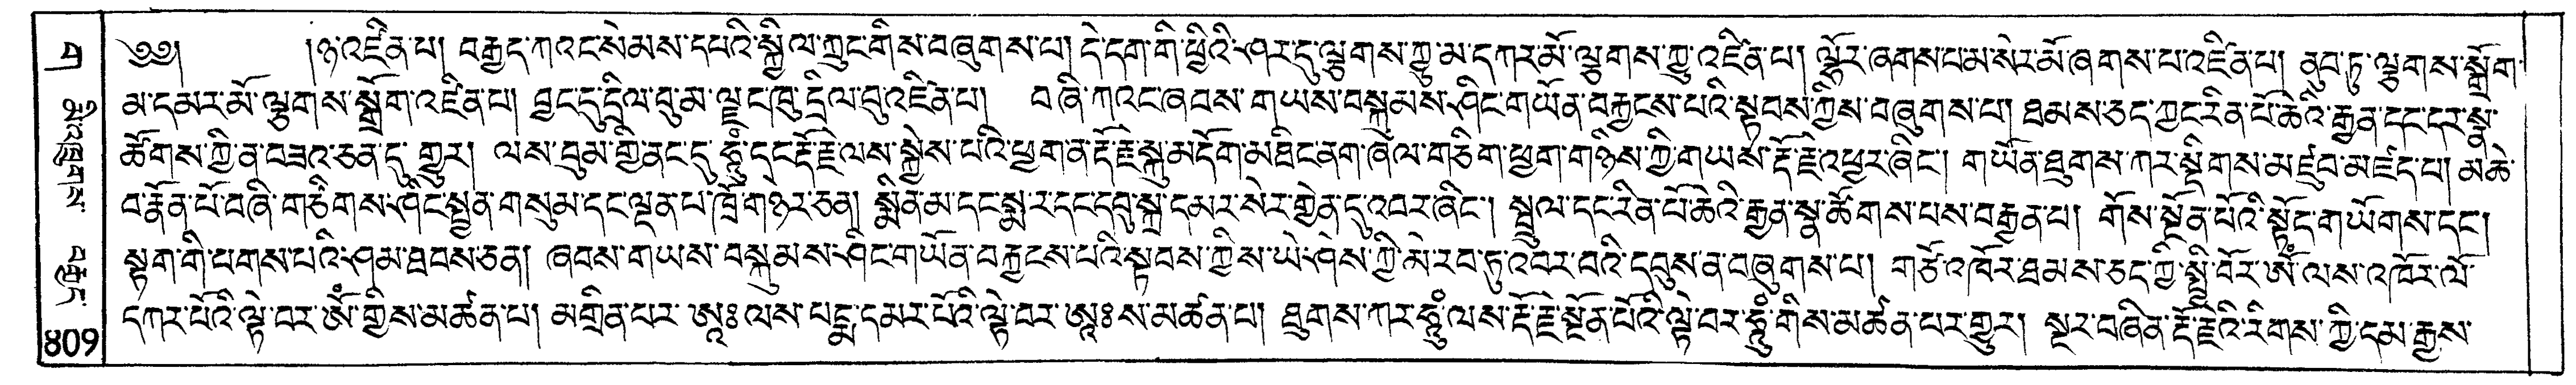༄༅། །ཉ་འཛིན་པ། བརྒྱད་ཀའྔ་སེམས་དཔའི་སྐྱིལ་ཀྲུང་གིས་བཞུགས་པ། དེ་དག་གི་ཕྱིའི་ཤར་དུ་ལྕགས་ཀྱུ་མ་དཀར་མོ་ལྕགས་ཀྱུ་འཛིན་པ། ལྷོར་ཞགས་པ་མ་སེར་མོ་ཞགས་པ་འཛིན་པ། ནུབ་ཏུ་ལྕགས་སྒྲོག་
མ་དམར་མོ་ལྕགས་སྒྲོག་འཛིན་པ། བྱང་དུ་དྲིལ་བུ་མ་ལྗང་ཁུ་དྲིལ་བུ་འཛིན་པ། བཞི་ཀའྔ་ཞབས་གཡས་བསྐུམས་ཤིང་གཡོན་བརྐྱངས་པའི་སྟབས་ཀྱིས་བཞུགས་པ། ཐམས་ཅད་ཀྱང་རིན་པོ་ཆེའི་རྒྱན་དང་དར་སྣ་
ཚོགས་ཀྱི་ན་བཟའ་ཅན་དུ་གྱུར། ལས་བུམ་གྱི་ནང་དུ་ཧཱུཾ་དང་རྡོ་རྗེ་ལས་སྐྱེས་པའི་ཕྱག་ན་རྡོ་རྗེ་སྐུ་མདོག་མཐིང་ནག་ཞལ་གཅིག་ཕྱག་གཉིས་ཀྱི་གཡས་རྡོ་རྗེ་འཕྱར་ཞིང་། གཡོན་ཐུགས་ཀར་སྡིགས་མཛུབ་མཛད་པ། མཆེ་
བ་རྣོན་པོ་བཞི་གཙིགས་ཤིང་སྤྱན་གསུམ་དང་ལྡན་པ་ཁྲོ་གཉེར་ཅན། སྨིན་མ་དང་སྨ་ར་དང་དབུ་སྐྲ་དམར་སེར་གྱེན་དུ་འབར་ཞིང་། སྦྲུལ་དང་རིན་པོ་ཆེའི་རྒྱན་སྣ་ཚོགས་པས་བརྒྱན་པ། གོས་སྔོན་པོའི་སྟོད་གཡོགས་དང་།
སྟག་གི་པགས་པའི་ཤམ་ཐབས་ཅན། ཞབས་གཡས་བསྐུམས་ཤིང་གཡོན་བརྐྱངས་པའི་སྟབས་ཀྱིས་ཡེ་ཤེས་ཀྱི་མེ་རབ་ཏུ་འབར་བའི་དབུས་ན་བཞུགས་པ། གཙོ་འཁོར་ཐམས་ཅད་ཀྱི་སྤྱི་བོར་ཨོཾ་ལས་འཁོར་ལོ་
དཀར་པོའི་ལྟེ་བར་ཨོཾ་གྱིས་མཚན་པ། མགྲིན་པར་ཨཱཿ ལས་པདམ་དམར་པོའི་ལྟེ་བར་ཨཱཿ ས་མཚན་པ། ཐུགས་ཀར་ཧཱུཾ་ལས་རྡོ་རྗེ་སྔོན་པོའི་ལྟེ་བར་ཧཱུཾ་གིས་མཚན་པར་གྱུར། སྔར་བཞིན་རྡོ་རྗེའི་རིགས་ཀྱི་དམ་རྒྱས་